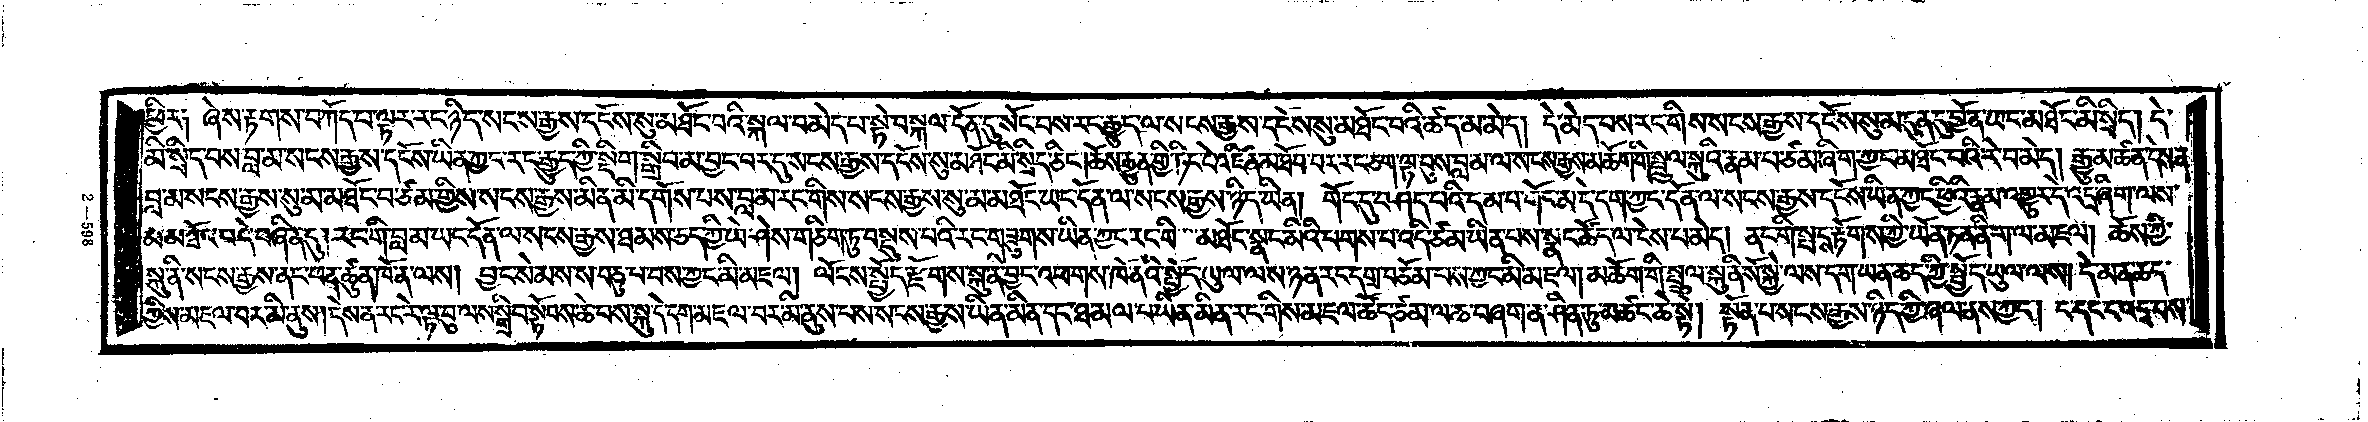ཕྱིར༑ ཞེས་རྟགས་བཀོད་པ་ལྟར་རང་ཉིད་སངས་རྒྱས་དངོས་སུ་མཐོང་བའི་སྐལ་བ་མེད་པ་སྟེ་བསྐལ་དོན་དུ་སོང་བས་རང་རྒྱུད་ལ་སངས་རྒྱས་དངོས་སུ་མཐོང་བའི་ཚད་མ་མེད། དེ་མེད་པས་རང་གིས་སངས་རྒྱས་དངོས་སུ་མདུན་དུ་བྱོན་ཡང་མཐོང་མི་སྲིད། དེ་
མི་སྲིད་བས་བླ་མ་སངས་རྒྱས་དངོས་ཡིན་ཀྱང་རང་རྒྱུད་ཀྱི་སྡིག་སྒྲིབ་མ་བྱང་བར་དུ་སངས་རྒྱས་དངོས་སུ་མཐོང་མི་སྲིད་ཅིང་།ཆོས་རྒྱུན་གྱི་ཏིང་ངེ་འཛིན་མ་ཐོབ་བར་རང་ཅག་ལྟ་བུས་བླ་མ་ལ་སངས་རྒྱས་མཆོག་གི་སྤྲུལ་སྐུའི་རྣམ་པ་ཙམ་ཞིག་ཀྱང་མཐོང་བའི་རེ་བ་མེད། རྒྱུ་མཚན་དེས་ན་
བླ་མ་སངས་རྒྱས་སུ་མ་མཐོང་བ་ཙམ་གྱིས་སངས་རྒྱས་མིན་མི་དགོས་པས་བླ་མ་རང་གིས་སངས་རྒྱས་སུ་མ་མཐོང་ཡང་དོན་ལ་སངས་རྒྱས་ཉིད་ཡིན། གོང་དུ་བཤད་པའི་དམ་བ་གོང་མ་དེ་དག་ཀྱང་དོན་ལ་སངས་རྒྱས་དངོས་ཡིན་ཀྱང་ཕྱིའི་རྣམ་འགྱུར་དེ་འདྲ་ཞིག་ལས་
མ་མཐོང་བདེ་བཞིན་དུ། རང་གི་བླ་མ་ཡང་དོན་ལ་སངས་རྒྱས་ཐམས་ཅད་ཀྱི་ཡེ་ཤེས་གཅིག་ཏུ་བསྡུས་པའི་རང་གཟུགས་ཡིན་ཀྱང་རང་གི་མཐོང་སྣང་མིའི་པགས་པ་འདི་ཙམ་ཡིན་པས་སྣང་ཚོད་ལ་ངེས་པ་མེད། ནང་གི་སྤངས་རྟོགས་ཀྱི་ཡོན་ཏན་ནི་གལ་མཇལ། ཆོས་ཀྱི་
སྐུ་ནི་སངས་རྒྱས་ནང་ཕན་ཚུན་ཁོ་ན་ལས། བྱང་སེམས་ས་བཅུ་པ་བས་ཀྱང་མི་མཇལ། ལོངས་སྤྱོད་རྫོགས་སྐུ་ནི་བྱང་འཕགས་ཁོ་ནའི་སྤྱོད་ཡུལ་ལས་ཉན་རང་དགྲ་བཅོམ་པས་ཀྱང་མི་མཇལ། མཆོག་གི་སྤྲུལ་སྐུ་ནི་སོ་སྐྱེ་ལས་དག་ཡན་ཆག་ཀྱི་སྤྱོད་ཡུལ་ལས། དེ་མན་ཆད་
ཀྱིས་མཇལ་བར་མི་ནུས། དེས་ན་རང་རེ་ལྟ་བུ་ལས་སྒྲིབ་སྟོབས་ཆེ་བས་སྐུ་དེ་དག་མཇལ་བར་མི་ནུས་པས་སངས་རྒྱས་ཡིན་མིན་དང་ཐ་མལ་པ་ཡིན་མིན་རང་གིས་མཇལ་ཚོད་ཙམ་ལ་ཆ་བཞག་ན་ཤིན་ཏུ་མཚང་ཆེ་སྟེ། སྟོན་པ་སངས་རྒྱས་ཉིད་ཀྱི་ཞལ་ནས་ཀྱང་། ང་དང་ང?